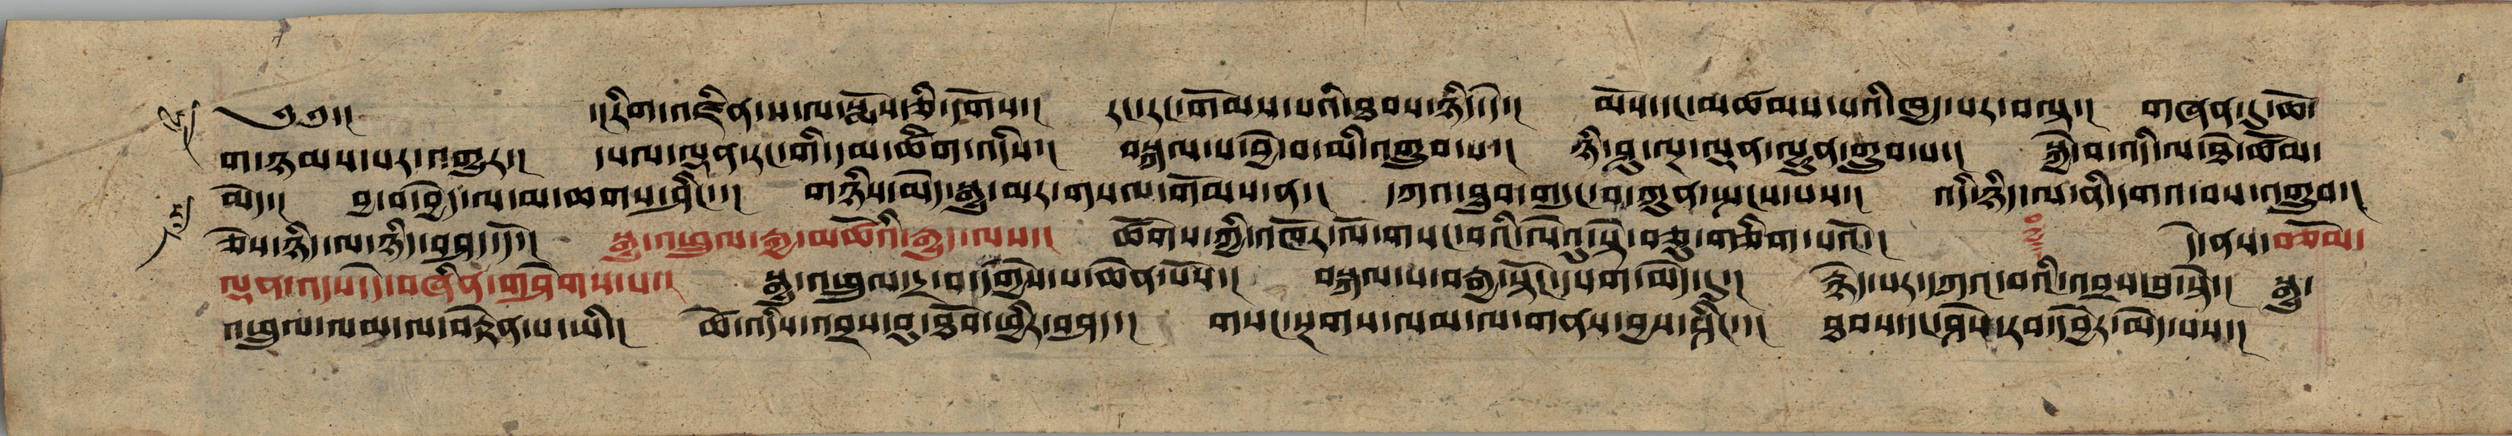༄༅་། ་།རིག་འཛིན་ས་ལ་སྨོས་ཅི་དགོས་། རང་རང་གོམས་པའི་ཐབས་ཉིད་དེ་། མོས་དང་མཚམས་པའི་ཁྱད་པར་བལྟ་། གཞན་དུ་ཆོ་
ག་ཉམས་པར་འགྱུར་། དཔལ་ལྡན་རང་གི་དམ་ཚིག་འདིས་། བསྐལ་པ་བྱེ་བ་མི་འགྲུབ་པ་། ཉི་ཤུ་ལྔ་ལྡན་ལྷུན་གྲུབ་པ་། སྐྱེ་བ་འདི་ལ་ཐེ་ཚོམ་
མེད་། བྱ་བ་བྱེད་ལ་མ་ཆགས་ཤིང་་། གཉིས་མེད་སྒྱུ་མར་གསལ་གོམས་ན་། དཀའ་ཐུབ་གདུང་བ་ཀུན་སྤངས་པས་། འདི་ཉིད་ལ་ནི་དགའ་བས་འགྲུབ་།
ཅེས་ཉིད་ལ་ཉིད་བཤད་དོ་། སྒྱུ་འཕྲུལ་རྒྱ་མཚོའི་རྒྱུད་ལས་། ཚོགས་ཀྱི་འཁོར་ལོ་གསང་བའི་ལེའུ་སྟེ་བཅུ་གཅིག་པའོ་། ࿑ དེ་ནས་བཅོམ་
ལྡན་འདས་དེ་བཞིན་གཤེགས་པ་། སྒྱུ་འཕྲུལ་དྲ་བ་དགྱེས་པ་ཆེན་པོས་། བསྐལ་པ་བརྒྱ་སྟོང་དཔག་མེད་དུ་། རྙེད་པར་དཀའ་བའི་འབྲས་བུ་སྟེ་། སྒྱུ་
འཕྲུལ་ལམ་ལ་བརྟེན་པ་ཡི་། ཚེ་འདིས་འབྲས་བུ་ཐོབ་ཕྱིར་བཤད་། གསང་སྔགས་ལམ་ལ་གནས་བྱས་ཤིང་་། ཐབས་དང་ཤེས་རབ་དབྱེར་མེད་པས་།